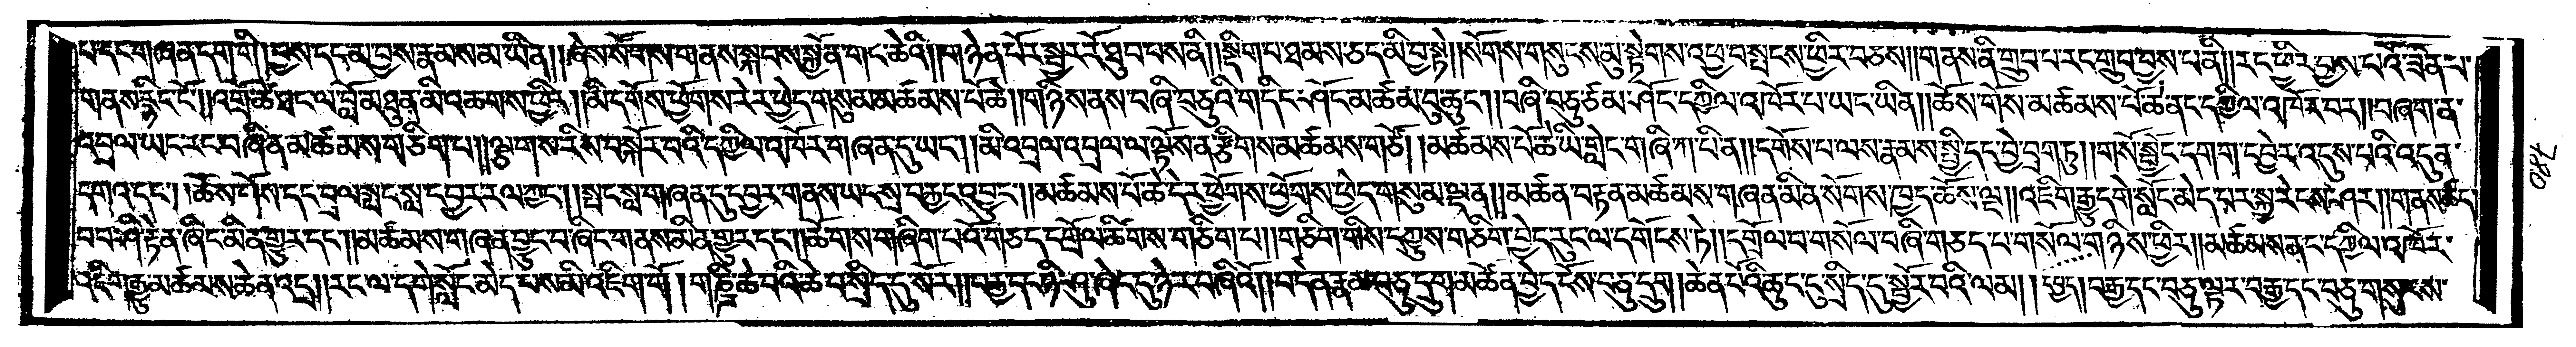པ་དང་གཞན་དག་གི། བྱས་དང་མ་བྱས་རྣམས་མ་ཡིན། །ཞེས་སོགས་གནས་སྐབས་སྐྱོན་གང་ཆེའི། །གཉེན་པོར་སྦྱར་རོ་ཐུབ་པས་ནི། །སྡིག་པ་ཐམས་ཅད་མི་བྱ་སྟེ། །སོགས་གསུངས་མུ་སྟེགས་འཕྱབ་སྤངས་ཕྱིར་བཅས། །གནས་མི་སྡུ་པ་རང་གྲུབ་བྱལ་པ་ནི། །རང་ཕྱིར་བྱས་པའོ་ཟིན་པ་
གནས་རྙིང་པོ། །འགྲོ་ཆེ་ཐང་ལ་བློ་མཐུན་མི་འཆགས་ཕྱིར། །མི་དགོས་ཕྱོགས་རེར་ཕྱེད་གསུམ་མཚམས་པོ་ཆེ། །གཉིས་ནས་བཞི་བཅུའི་གདིང་ཤོང་མཚམ་བུ་ཆུང་། །བཞི་བཅུ་ཙམ་ཤོང་དཀྱིལ་འཁོར་བ་ཡང་ཡིན། །ཆོས་གོས་མཚམས་པོ་ཆ་ནང་དཀྱིལ་འཁོར་བར། བཞག་ན་
འབྲལ་ཡང་རང་བཞིན་མཆམས་གཅིག་པ། །ལྕགས་རིས་བསྐོར་བའི་དཀྱིལ་འཁོར་གཞན་དུ་ཡང་། །མི་འབྲལ་འབྲལ་ལ་ལྟོས་ན་རྩིགས་མཚམས་གཙོ། །མཚམས་པོ་ཆེ་ཡི་གླང་གཞི་ཀ་པི་ན། །དགོས་པ་ལས་རྣམས་སྤྱི་དང་བྱེ་བྲག་ཏུ། །གསོ་སྦྱོང་ངག་དབྱེར་འདུས་པའི་འདུན་
དགའ་དང་། །ཆོས་གོས་དང་བྲལ་སྤང་སླ་དབྱར་རལ་ཀྱང་། །སྤང་སླ་གཞན་དུ་དབྱར་གནས་ཡང་སྲ་བརྐྱང་འབྱུང་། །མཚམས་པོ་ཆེ་དེར་ཕྱོགས་ཕྱོགས་ཕྱེད་གསུམ་ལྡན། །མཚན་བརྟན་མཚམས་གཞན་མིན་སོགས་བྱེད་ཆོས་ལྔ། །འཇིག་རྒྱུ་དགེ་སློང་མེད་པར་སྐྱེ་རེངས་ཤར། །གནས་ཚད་
བབ་ཤི་རྟེན་ཞིང་མིན་གྱུར་དང་། །མཚམས་གཞན་བྱུང་བ་ཞིང་གནས་མིན་གྱུར་དང་། །ཆོགས་གཞིག་པའོ་གཅད་འགྲོལ་ཚིགས་གཅིག་པ། །གཅིག་གིས་དཀྱུས་གཅིག་བྱེད་རུང་ལ་དགོངས་ཏེ། །དགྲོལ་བ་གསོལ་བ་ཞི་གཅད་པ་གསོལ་གཉིས་ཕྱིར། །མཚམས་ནང་དཀྱིལ་འཁོར་
འཇིག་རྒྱུ་མཚམས་ཆེན་འདྲ། །རང་ལ་དགེ་སློང་མེད་པས་མི་འཇིག་གོ །གཎྜེ་ཆེ་བའི་ཆེ་བ་སྲིད་དུ་སོར། །བརྒྱ་དང་ཉི་ཤུ་ཞེང་དུ་ཉེར་བཞིའོ། །བདེན་རྣམ་བཅུ་དྲུག་མཚེན་བྱེད་ངོས་བཅུ་དྲུག །ཆེན་པོའི་ཆུང་དུ་སྲིད་དུ་སྦྱོར་བའི་ལས། །དཔྱད། །བརྒྱ་དང་བཅུ་ལྟར་བརྒྱ་དང་བཅུ་གསུངས་